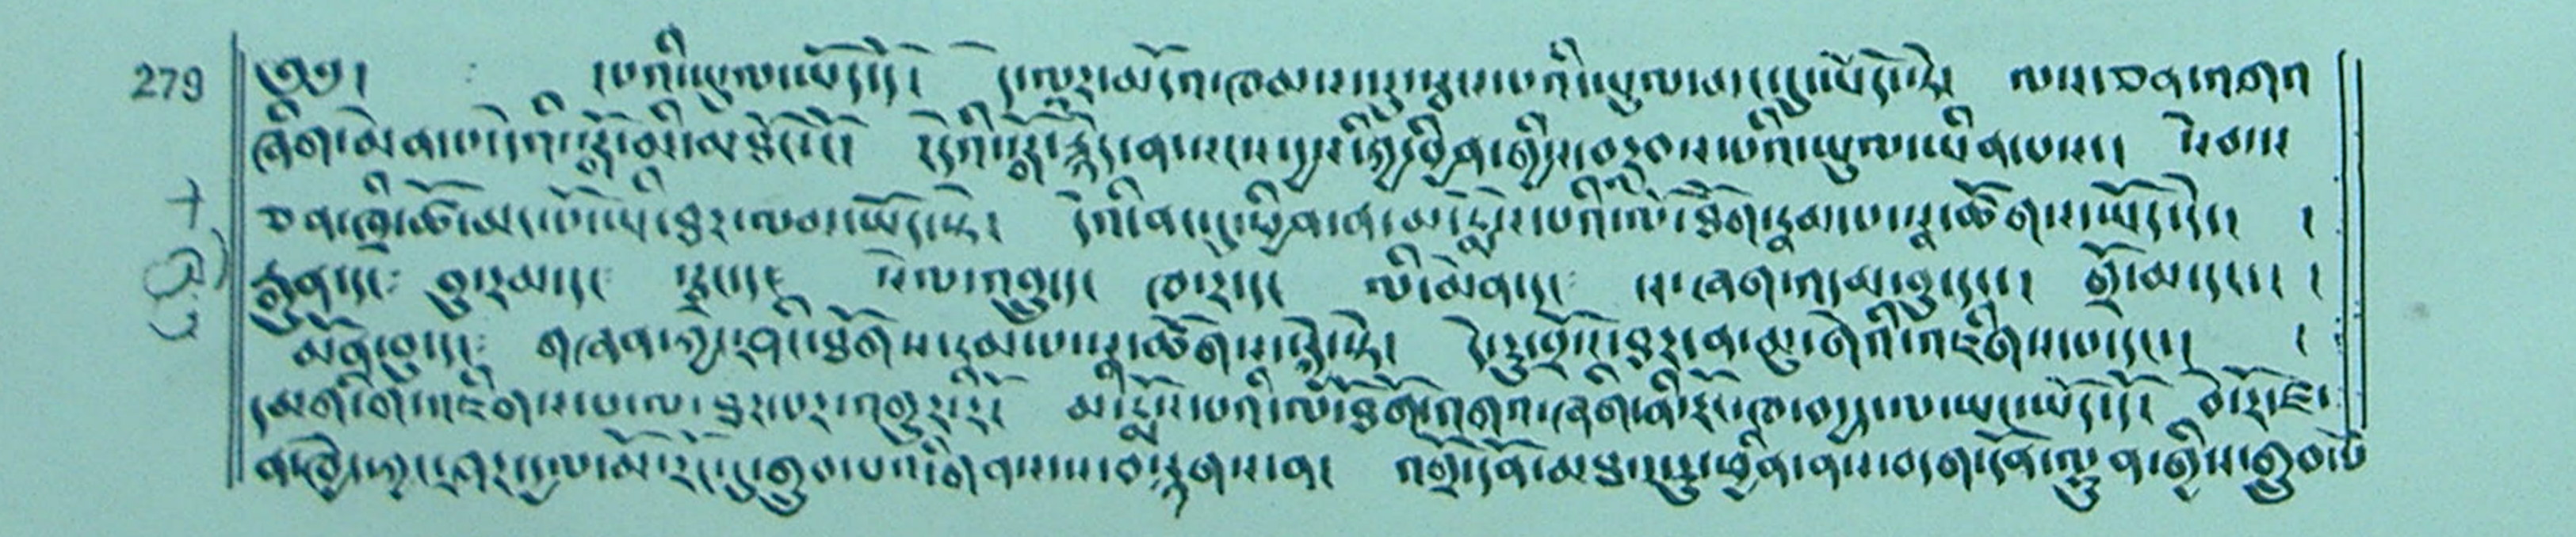༄༅། །པའི་ཡུལ་ཡོད་དོ། །དེ་ལྟར་མདོའ་ཁམས་སུ་སྦས་པའི་ཡུལ་མང་དུ་ཡོད་དེ། །ལས་ཅན་འགའ་
ཞིག་མེན་པ་དེའི་སྒོ་མི་མཐོང་ངོ་། །དེའི་སྒོ་རྙེད་ན་སངས་རྒྱས་ཀྱི་བྱིན་གྱིས་རླབས་པའི་ཡུལ་ཡིན་པས། སེམས་
ཅན་ཁྲི་ཚོ་མང་པོ་ཡི་ཐར་ལམ་ཡོད་དོ། །དེའི་ནང་དུ་ཕྱིན་ན་མ་རྨོས་པའི་ལོ་ཏོག་རྣམ་པ་སྣ་ཚོགས་ཡོད་དེ༑ 
རྒུན་དང་། བུ་རམ་དང་། སྦྲང་དང་། སེ་འབྲུ་དང་། ཁ་ར་དང་། ལི་མེན་དང་། ས་ཞག་འདམ་བུ་དང་། གྲོ་མ་དང་། 
མོན་བུ་དང་། གཞན་ཀྱང་ཤིང་ཏོག་རྣམ་པ་སྣ་ཚོགས་སྐྱེས་ཏེ། དེ་རུ་བྲོས་ཐར་ན་མུ་གེའི་འཇིགས་པ་དང་། 
དམག་གི་འཇིགས་པ་ལ་ཐར་བར་འགྱུར་རོ། །མ་རྨོས་པའི་ལོ་ཏོག་འགའ་ཞིག་ནི་རོང་ཁ་བརྒྱད་ལ་ཡང་ཡོད་དེ། བྷེ་རོ་ཛན་
ཁྱོད་ཀྱང་ཤར་རྒྱལ་མོ་རོང་དུ་གྲུབ་པའི་གནས་ས་བསྙགས་ན། འགྲོ་དོན་མཐར་རུ་ཕྱིན་ནས་བདག་དོན་ལྷུན་གྱིས་གྲུབ་པའོ། །